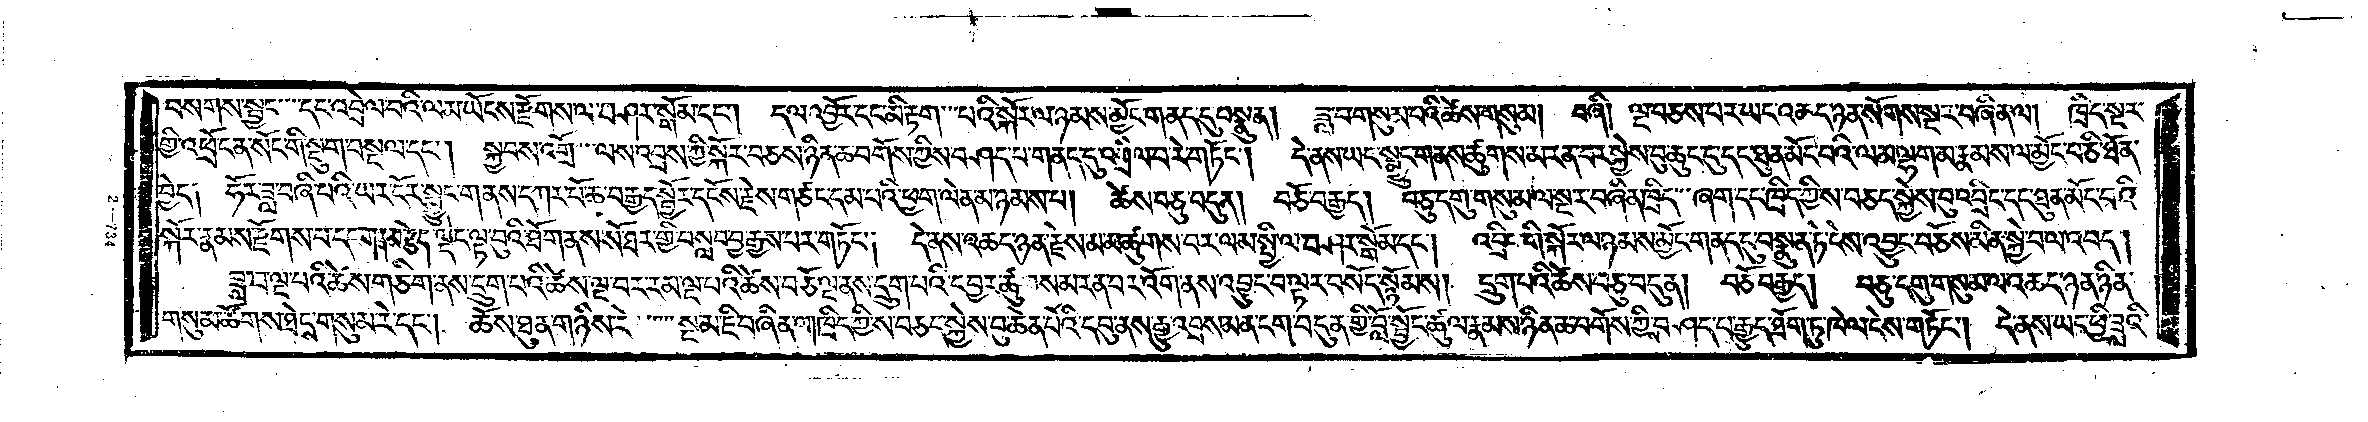བསགས་སྦྱང་དང་འབྲེལ་བའི་ལམ་ཡོངས་རྫོགས་ལ་བཤར་སྒོམ་དང་། དལ་འབྱོར་དང་མི་རྟག་པའི་སྐོར་ལ་ཉམས་མྱོང་གནད་དུ་བསྣུན། ཟླ་བ་གསུམ་པའི་ཚེས་གསུམ། བཞི། ལྔ་བཅས་པར་ཡང་འཆད་ཉན་སོགས་སྔར་བཞིན་ལ། ཁྲིད་སྔར་
གྱི་འཕྲོང་ན་སོང་གི་སྡུག་བསྔལ་དང་། སྐྱབས་འགྲོ་ལས་འབྲས་ཀྱི་སྐོར་བཅས་ཉིན་ཆ་བགོས་ཀྱིས་བཤད་པ་གནད་དུ་འགྲིལ་བ་རེ་གཏོང་། དེ་ནས་ཡང་སྨྱུང་གནས་ཚུགས་མ་རན་བར་སྐྱེས་བུ་ཆུང་ངུ་དང་ཐུན་མོང་བའི་ལམ་ལྷག་མ་རྣམས་ལ་མྱོང་བ་ཅི་ཐོན་
བྱེད༑ ཧོར་ཟླ་བཞི་པའི་ཡར་ངོར་སྨྱུང་གནས་དཀར་པོ་ཆ་བརྒྱད་སྦྱོར་དངོས་རྗེས་གཙང་དམ་པའི་ཕྱག་ལེན་མཉམས་པ། ཚེས་བཅུ་བདུན། བཅོ་བརྒྱད། བཅུ་དགུ་གསུམ་ལ་སྔར་བཞིན་ཁྲིད་ཞག་དང་ཁྲིད་ཀྱིས་བཅད་སྐྱེས་བུ་འབྲིང་དང་ཐུན་མོང་བའི་
སྐོར་རྣམས་རྫོགས་པ་དང་གནམ་རྩེད་ལྡེང་ལྟ་བུའི་ཐོག་ནས་སོ་ཐར་གྱི་བསླབ་བྱ་རྒྱས་པར་གཏོང༑ དེ་ནས་འཆད་ཉན་རྗེས་མ་མཚུགས་བར་ལམ་སྤྱི་ལ་བཤར་སྒོམ་དང་། འབྲིང་གི་སྐོར་ལ་ཉམས་མྱོང་གནད་དུ་བསྣུན་ཏེ་ངེས་འབྱུང་བཅོས་མིན་སྐྱེ་བ་ལ་འབད།
ཟླ་བ་ལྔ་པའི་ཚེས་གཅིག་ནས་དྲུག་པའི་ཚེས་ལྔ་བར་རམ་ལྔ་པའི་ཚེས་བཅོ་ལྔ་ནས་དྲུག་པའི་དབྱར་ཚུགས་མ་རན་བར་འོག་ནས་འབྱུང་བ་ལྟར་བསོད་སྙོམས། དྲུག་པའི་ཚེས་བཅུ་བདུན། བཅོ་བརྒྱད། བཅུ་དགུ་གསུམ་ལ་འཆད་ཉན་ཉིན་
གསུམ་ཚོགས་ཐེངས་གསུམ་རེ་དང་། ཆོས་ཐུན་གཉིས་རེ་སྔ་མ་ཇི་བཞིན་ལ། ཁྲིད་ཀྱི་ས་བཅད་སྐྱེས་བུ་ཆེན་པོའི་དབུ་ནས་རྒྱུ་འབྲས་མན་ངག་བདུན་གྱི་བློ་སྦྱོང་ཚུལ་རྣམས་ཉིན་ཆ་བགོས་ཀྱིས་བཤད་པ་རྒྱུད་ཐོག་ཏུ་ཁེལ་ངེས་གཏོང་། དེ་ནས་ཡང་ཕྱི་ཟླའི་